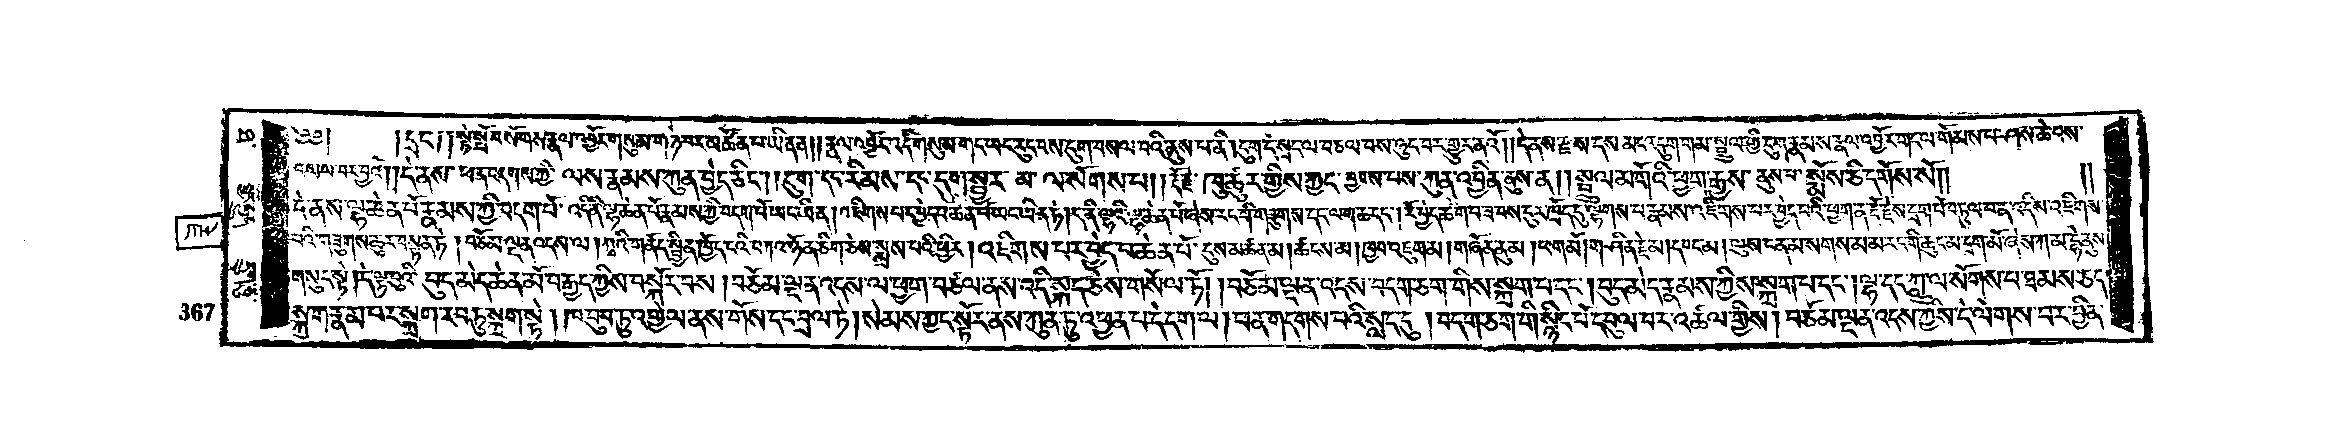༄༅། །དྲང་། །སྟེ་སྤོ་བ་སོགས་རྣལ་འབྱོར་གསུམ་ག་ཉེ་བར་མཚོན་པ་ཡིན་ན། །རྣལ་འབྱོར་འདི་གསུམ་གང་ཡང་རུང་བས་དུག་བསལ་བའི་ནུས་པ་ནི། དུག་དེ་སྲད་ལ་བཅལ་བས་ཉུང་བར་གྱུར་ནའོ། །དེ་ནས་རྫས་དེས་མང་འདུག་གམ་སྦྲུལ་གྱི་དུག་རྣམས་རྣལ་འབྱོར་གང་ལ་གོམས་པ་ཤས་ཆེ་བས་
བསལ་བར་བྱའོ། །དེ་ནས་ཕན་འདགས་ཀྱི་ལས་རྣམས་ཀུན་བྱེད་ཅིང་། །དུག་དང་རིམས་དང་དུག་སྦྱར་མ་ལ་སོགས་པ། ། རྡོ་རྗེ་ཁུ་ཚུར་གྱིས་ཀྱང་བྱབས་པས་ཀུན་འབྱིན་ནུས་ན། །སྦྲུལ་མགོའི་ཕྱག་རྒྱས་ནུས་པ་སྨོས་ཅི་དགོས་སོ།། །།
དེ་ནས་ལྷ་ཆེན་པོ་རྣམས་ཀྱི་བདག་པོ་འདི་ནི་ལྷ་ཆེན་པོ་རྣམས་ཀྱི་བདག་པོ་ཡང་ཡིན། འཇིགས་པར་བྱེད་པ་ཆེན་པོ་ཡང་ཡིན་ཏེ། ད་ནི་ལྷའི་ལྷ་ཆེན་པོ་ཞེས་རང་གི་གཟུགས་དང་ལག་ཆ་དང་། རོ་བྱེད་ཚིག་པ་ཟ་བས་དུར་ཁྲོད་དུ་ལྷགས་པ་རྣམས་འཇིགས་པར་བྱེད་པའི་ཕྱག་ན་རྡོ་རྗེས་དྲག་པོ་བཏུལ་བ་ན་འདིས་འཇིགས་
པའི་གཟུགས་ཆུར་བསྟན་ཏེ། བཅོམ་ལྡན་འདས་ལ། ཀྭའི་གནོད་སྦྱིན་ཁྱོད་ངའི་བཀའ་ཉོན་ཅིག་ཅེས་སྨྲས་པའི་ཕྱིར། འཇིགས་པར་བྱེད་པ་ཆེན་པོ་དུས་མཚན་མ། ཚངས་མ། ཁྱབ་འཇུག་མ། གཞོན་ནུ་མ། ཕག་མོ། གཤིན་རྗེ་མ། དབང་མ། ལུས་ངན་མ་སགས་མ་མ་རང་གི་ཆུང་མ་དྲག་མོ་ཞེས་ཀ་མ་དྷེ་ནུས་
གསུང་སྟེ། དེ་ལྟ་བུའི་བུད་མེད་ཆེན་མོ་བརྒྱད་ཀྱིས་བསྐོར་བས། བཅོམ་ལྡན་འདས་ལ་ཕྱག་བཙལ་ནས་འདི་སྐད་ཅེས་གསོལ་ཏོ། །བཅོམ་ལྡན་འདས་བདག་ཅག་གིས་སྐྲག་པ་དང་། བུད་མེད་རྣམས་ཀྱིས་སྐྲག་པ་དང་། ལྷ་དང་ཀླུ་ལ་སོགས་པ་ཐམས་ཅད་
སྐྲག་རྣམ་པར་སྐྲག་རབ་ཏུ་སྐྲག་སྟེ། ཁ་བུབ་ཏུ་འགྱེལ་ནས་གོས་དང་བྲལ་ཏེ། སེམས་ཀྱང་སྟོར་ནས་ཀུན་ཏུ་འཕྱན་པ་དེ་དག་ལ། ཕན་གདགས་པའི་སླད་དུ། བདག་ཅག་གི་སྙིང་པོ་དབུལ་བར་འཚལ་གྱིས། བཅོམ་ལྡན་འདས་ཀྱིས་དེ་ལེགས་པར་བྱིན་